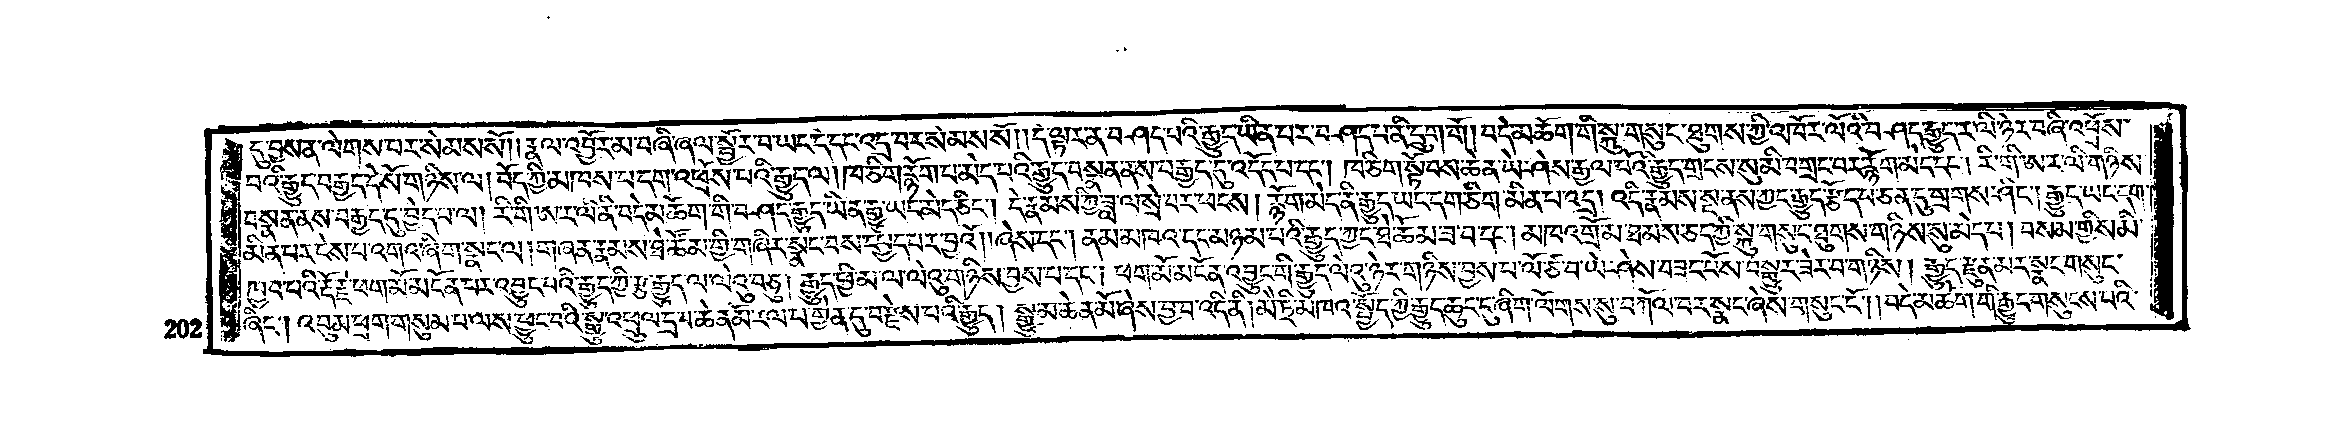དུ་བྱས་ན་ལེགས་པར་སེམས་སོ། །རྣལ་འབྱོར་མ་བཞི་ཞལ་སྦྱོར་བ་ཡང་དེ་དང་འདྲ་བར་སེམས་སོ། །དེ་ལྟར་ན་བཤད་པའི་རྒྱུད་ཡིན་པར་བཤད་པ་ནི་དྲུག་གོ། བདེ་མཆོག་གི་སྐུ་གསུང་ཐུགས་ཀྱི་འཁོར་ལོའི་བཤད་རྒྱུད་ར་ལི་ཉེར་བཞི་འཕྲོས་
པའི་རྒྱུད་བརྒྱད་དེ་སོ་གཉིས་ལ། བོད་ཀྱི་མཁས་པ་དག་འཕྲོས་པའི་རྒྱུད་ལ། ཁ་ཅིག་རྙོག་པ་མེད་པའི་རྒྱུད་བསྣན་ནས་བརྒྱད་དུ་འདོད་པ་དང་། ཁ་ཅིག་སྟོབས་ཆེན་ཡེ་ཤེས་རྒྱལ་པོའི་རྒྱུད་གྲངས་སུ་མི་བགྲང་བར་རྙོག་མེད་དང་། རི་གི་ཨ་ར་ལི་གཉིས་
བསྣན་ནས་བརྒྱད་དུ་བྱེད་པ་ལ། རི་གི་ཨ་ར་ལི་ནི་བདེ་མཆོག་གི་བཤད་རྒྱུད་ཡིན་རྒྱུ་ཡང་མེད་ཅིང་། དེ་རྣམས་ཀྱི་ཟླ་ལ་སྲེ་བར་ཕངས། རྙོག་མེད་ནི་རྒྱུད་ཡང་དག་ཅིག་མིན་པ་འདྲ། འདི་རྣམས་སྔ་ནས་ཀྱང་རྒྱུད་རྩོད་པ་ཅན་དུ་གྲགས་ཤིང་། རྒྱུད་ཡང་དག་
མིན་པར་ངེས་པ་འགའ་ཞིག་སྣང་ལ། གཞན་རྣམས་ཐེ་ཚོམ་གྱི་གཞིར་སྣང་བས་དཔྱད་པར་བྱའོ། །ཞེས་དང་། ནམ་མཁའ་དང་མཉམ་པའི་རྒྱུད་ཀྱང་ཐེ་ཚོམ་ཟ་བ་དང་། མཁའ་འགྲོ་མ་ཐམས་ཅད་ཀྱི་སྐུ་གསུང་ཐུགས་གཉིས་སུ་མེད་པ། བསམ་གྱིས་མི་
ཁྱབ་པའི་རྡོ་རྗེ་ཕག་མོ་མངོན་པར་འབྱུང་བའི་རྒྱུད་ཀྱི་རྩ་རྒྱུད་ལ་ལེའུ་བཅུ། རྒྱུད་ཕྱི་མ་ལ་ལེའུ་གཉིས་བྱས་པ་དང་། ཕག་མོ་མངོན་འབྱུང་གི་རྒྱུད་ལེའུ་ཉེར་གཉིས་བྱས་པ་ལོ་ཙཱ་བ་ཡེ་ཤེས་བཟང་པོས་བསྒྱུར་ཟེར་བ་གཉིས། རྒྱུད་རྫུན་མར་སྣང་གསུང་
ཞིང་། འབུམ་ཕྲག་གསུམ་པ་ལས་ཕྱུང་བའི་སྒྱུ་འཕྲུལ་དྲ་པ་ཆེན་མོ་རལ་པ་གྱེན་དུ་བརྫེས་པའི་རྒྱུད། སྒྱུ་མ་ཆེན་མོ་ཞེས་བྱ་བ་འདི་ནི། མཻ་ཏྲི་མཁའ་སྤྱོད་ཀྱི་རྒྱུད་ཆུང་ངུ་ཞིག་ལོགས་སུ་བཀོལ་བར་སྣང་ཞེས་གསུང་ངོ། །བདེ་མཆོག་གི་རྒྱུད་གསུངས་པའི་